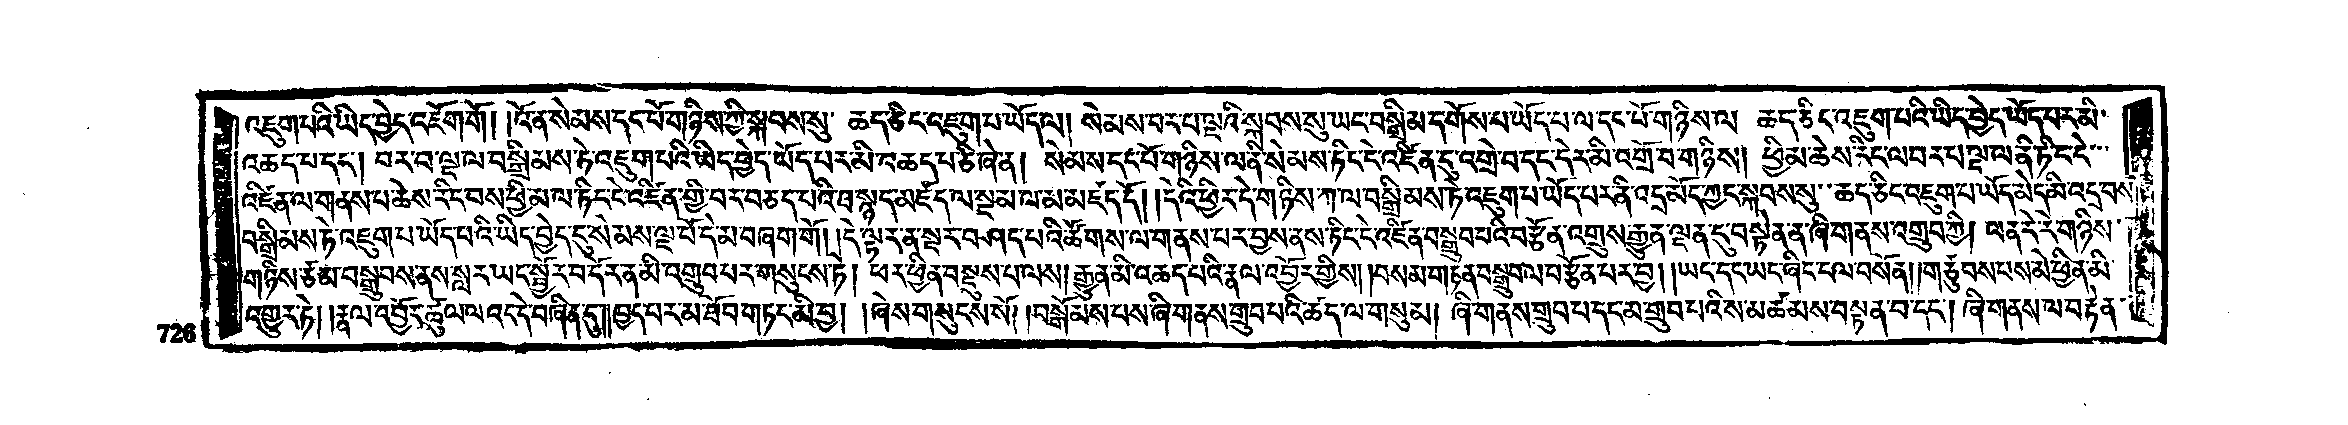འཇུག་པའི་ཡིད་བྱེད་འཇོག་གོ། །འོ་ན་སེམས་དང་པོ་གཉིས་ཀྱི་སྐབས་སུ་ཆད་ཅིང་འཇུག་པ་ཡོད་ལ། སེམས་བར་པ་ལྔའི་སྐབས་སུ་ཡང་བསྒྲིམ་དགོས་པ་ཡོད་པ་ལ་དང་པོ་གཉིས་ལ་ཆད་ཅིང་འཇུག་པའི་ཡིད་བྱེད་ཡོད་པར་མི་
འཆད་པ་དང་། བར་པ་ལྔ་ལ་བསྒྲིམས་ཏེ་འཇུག་པའི་ཡིད་བྱེད་ཡོད་པར་མི་འཆད་པ་ཅི་ཞེ་ན། སེམས་དང་པོ་གཉིས་ལ་ནི་སེམས་ཏིང་ངེ་འཛིན་དུ་འགྲོ་བ་དང་དེར་མི་འགྲོ་བ་གཉིས། ཕྱི་མ་ཆེས་རིང་ལ་བར་པ་ལྔ་ལ་ནི་ཏིང་ངེ་
འཛིན་ལ་གནས་པ་ཆེས་རིང་བས་ཕྱི་མ་ལ་ཏིང་ངེ་འཛིན་གྱི་བར་བཅད་བའི་ཐ་སྙད་མཛད་ལ་སྔ་མ་ལ་མ་མཛད་དོ། །དེའི་ཕྱིར་དེ་གཉིས་ཀ་ལ་བསྒྲིམས་ཏེ་འཇུག་པ་ཡོད་པར་ནི་འདྲ་མོད་ཀྱང་སྐབས་སུ་ཆད་ཅིང་འཇུག་པ་ཡོད་མེད་མི་འདྲ་བས་
བསྒྲིམས་ཏེ་འཇུག་པ་ཡོད་པའི་ཡིད་བྱེད་དུ་སེམས་ལྔ་པོ་དེ་མ་བཞག་གོ། །དེ་ལྟར་ན་སྔར་བཤད་པའི་ཚོགས་ལ་གནས་པར་བྱས་ནས་ཏིང་ངེ་འཛིན་བསྒྲུབ་པའི་བརྩོན་འགྲུས་རྒྱུན་ལྡན་དུ་བསྟེན་ན་ཞི་གནས་འགྲུབ་ཀྱི། ལན་རེ་རེ་གཉིས་
གཉིས་ཙམ་བསྒྲུབས་ནས་སླར་ཡང་སྦྱོར་བ་དོར་ན་མི་འགྲུབ་པར་གསུངས་ཏེ། ཕར་ཕྱིན་བསྡུས་པ་ལས། རྒྱུན་མི་འཆད་པའི་རྣལ་འབྱོར་གྱིས། །བསམ་གཏན་བསྒྲུབ་ལ་བརྩོན་པར་བྱ། །ཡང་དང་ཡང་ཞིང་ངལ་བསོ་ན། །གཙུབས་པས་མེ་ཕྱིན་མི་
འགྱུར་ཏེ། །རྣལ་འབྱོར་ཚུལ་ལའང་དེ་བཞིན་དུ། །ཁྱད་པར་མ་ཐོབ་གཏང་མི་བྱ། །ཞེས་གསུངས་སོ། །བསྒོམས་པས་ཞི་གནས་གྲུབ་པའི་ཚད་ལ་གསུམ། ཞི་གནས་གྲུབ་པ་དང་མ་གྲུབ་པའི་ས་མཚམས་བསྟན་པ་དང་། ཞི་གནས་ལ་བརྟེན་